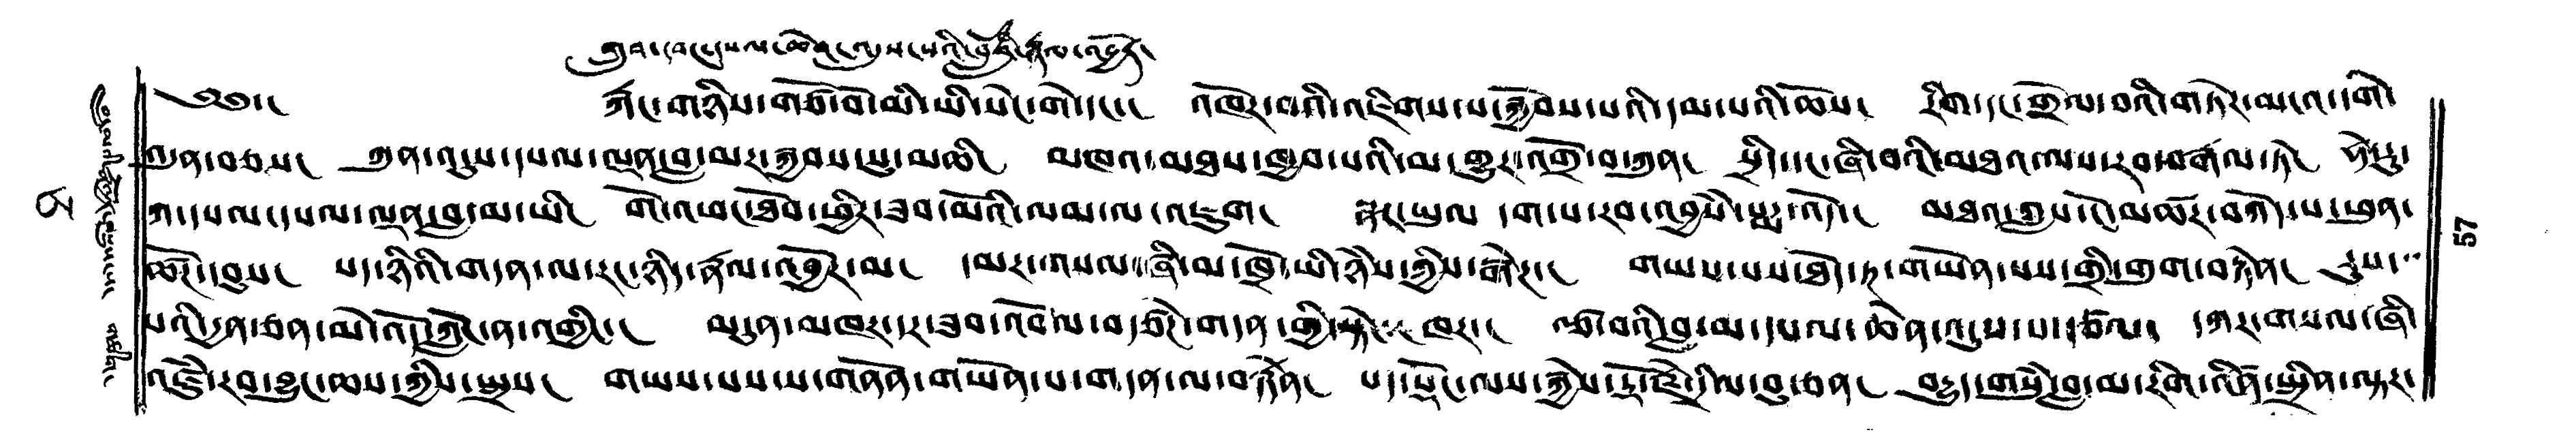༼གྲུབ་དབང་དཔལ་ཆེན་འདུས་པའི་བླ་མའི་རྣལ་འབྱོར་བཞུགས་སོ།༽ རྐང་གཉིས་གཙོ་བོ་མི་ཡི་སེང་གེ་དང་། །འཁོར་བའི་འཇིགས་པ་སྐྱོབ་པའི་དམ་པའི་ཆོས། །རིག་དང་གྲོལ་བའི་གཏེར་མངའ་དགེ་
འདུན་བཅས། །ཀུན་འདུས་དཔལ་ལྡན་བླ་མར་སྐྱབས་སུ་མཆི། །མཁའ་མཐས་ཁྱབ་པའི་མ་གྱུར་འགྲོ་བ་ཀུན། །སྲིད་དང་ཞི་བའི་མཐའ་ལས་རབ་བརྒལ་ཏེ། །ཧེ་རུ་
ཀ་དཔལ་དཔལ་ལྡན་བླ་མ་ཡི། །གོང་འཕང་ཐོབ་ཕྱིར་ཟབ་མོའི་ལམ་ལ་འཇུག །སྣང་ཡུལ་དག་པ་རབ་འབྱམས་པདྨ་འོད། །མཐའ་ཀླས་ངོ་མཚར་བཀོད་པ་ཕུན་
ཚོགས་དབུས། །པད་ཉིའི་གདན་ལ་རང་ཉིད་རྣལ་འབྱོར་མ། །དམར་གསལ་ཞི་མ་ཁྲོ་ཡི་ཉམས་ཀྱིས་སྒེག །གཡས་པས་ཐོད་རྔ་གཡོན་པས་གྲི་གུག་བརྟེན། །རུས་
པའི་རྒྱན་ཅན་མེ་འོད་ཀློང་ན་འགྱིང་། །མདུན་མཁར་དར་ཟབ་འབོལ་བརྩེགས་གདན་གྱི་ཁར། །རྩ་བའི་བླ་མ་དཔལ་ཆེན་འདུས་པ་རྩལ། །དཀར་གསལ་ཞི་
འཛུམ་རབ་བྱུང་ཆས་ཀྱིས་སྤྲས། །གཡས་པས་ས་གནོན་གཡོན་པ་གདན་ལ་བརྟེན། །པད་སྡོང་ལས་སྐྱེས་རྡོ་རྗེ་དྲིལ་བུ་ཅན། །བརྒྱུད་གསུམ་བླ་མ་རིག་འཛིན་སྤྲིན་ལྟར་འཁྲིགས།